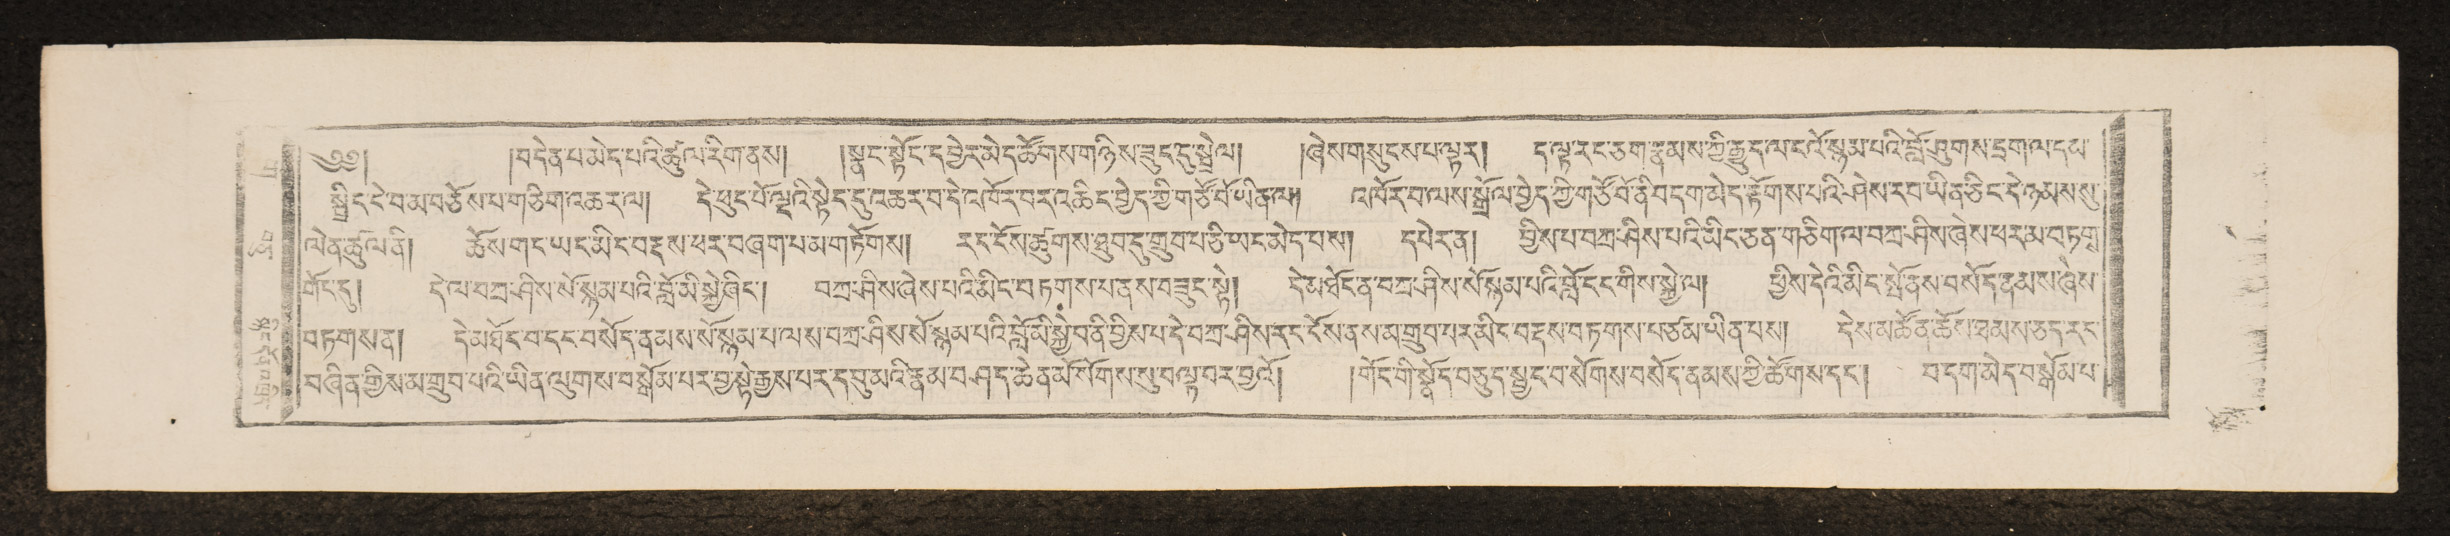༄༅། །བདེན་པ་མེད་པའི་ཚུལ་རིག་ནས། །སྣང་སྟོང་དབྱེར་མེད་ཚོགས་གཉིས་ཟུང་དུ་སྤྲེལ། །ཞེས་གསུངས་པ་ལྟར། ད་ལྟ་རང་ཅག་རྣམས་ཀྱི་རྒྱུད་ལ་ངའོ་སྙམ་པའི་བློ་ཤུགས་དྲག་ལ་དམ་
སྦྲིད་ངེ་བ་མ་བཅོས་པ་གཅིག་འཆར་ལ། དེ་ཕུང་པོ་ལྔའི་སྟེང་དུ་འཆར་བ་དེ་འཁོར་བར་འཆིང་བྱེད་ཀྱི་གཙོ་བོ་ཡིན་ལ། འཁོར་བ་ལས་སྒྲོལ་བྱེད་ཀྱི་གཙོ་བོ་ནི་བདག་མེད་རྟོགས་པའི་ཤེས་རབ་ཡིན་ཅིང་དེ་ཉམས་སུ་
ལེན་ཚུལ་ནི། ཆོས་གང་ཡང་མིང་བརྡས་ཕར་བཞག་པ་མ་གཏོགས། རང་ངོས་ཚུགས་ཐུབ་དུ་གྲུབ་པ་ཅི་ཡང་མེད་པས། དཔེར་ན། བྱིས་པ་བཀྲ་ཤིས་པའི་མིང་ཅན་གཅིག་ལ་བཀྲ་ཤིས་ཞེས་ཕར་མ་བཏགས་
གོང་དུ། དེ་ལ་བཀྲ་ཤིས་སོ་སྙམ་པའི་བློ་མི་སྐྱེ་ཞིང་། བཀྲ་ཤིས་ཞེས་པའི་མིང་བཏགས་པ་ནས་བཟུང་སྟེ། དེ་མཐོང་ན་བཀྲ་ཤིས་སོ་སྙམ་པའི་བློ་ངང་གིས་སྐྱེ་ལ། ཕྱིས་དེའི་མིང་སྤོ་ནས་བསོད་ནམས་ཞེས་
བཏགས་ན། དེ་མཐོང་བ་དང་བསོད་ནམས་སོ་སྙམ་པ་ལས་བཀྲ་ཤིས་སོ་སྙམ་པའི་བློ་མི་སྐྱེ་བ་ནི་བྱིས་པ་དེ་བཀྲ་ཤིས་རང་ངོས་ནས་མ་གྲུབ་པར་མིང་བརྡས་བཏགས་པ་ཙམ་ཡིན་པས། དེས་མཚོན་ཆོས་ཐམས་ཅད་རང་
བཞིན་གྱིས་མ་གྲུབ་པའི་ཡིན་ལུགས་བསྒོམ་པར་བྱ་སྟེ་རྒྱས་པར་དབུ་མའི་རྣམ་བཤད་ཆེན་མོ་སོགས་སུ་བལྟ་བར་བྱའོ། །གོང་གི་སྣོད་བཅུད་སྦྱང་བ་སོགས་བསོད་ནམས་ཀྱི་ཚོགས་དང་། བདག་མེད་བསྒོམ་པ་